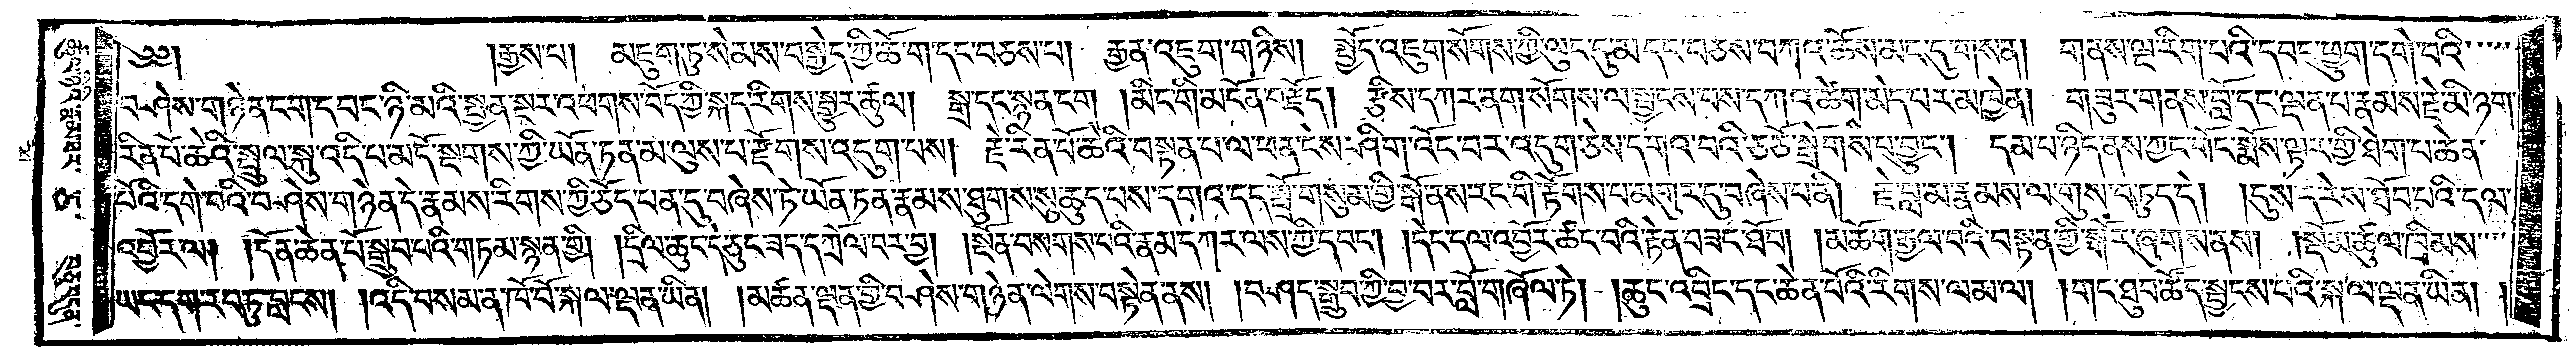༄༅། །རྒྱས་པ། མཇུག་ཏུ་སེམས་བསྐྱེད་ཀྱི་ཆོ་ག་དང་བཅས་པ། རྒྱན་འཇུག་གཉིས། སྤྱོད་འཇུག་སོགས་ཀྱི་ལུང་དུ་མ་དང་བཅས་བཀའ་ཆོས་མང་དུ་གསན། གནས་ལྔ་རིག་བའི་དབང་ཕྱུག་དགེ་བའི་
བཤེས་གཉེན་ངག་དབང་ཉི་མའི་སྤྱན་སྔར་འཕགས་བོད་ཀྱི་སྐད་རིགས་སྒྱུར་ཚུལ། སྒྲ་དང་སྙན་ངག །མིང་གི་མངོན་བརྗོད། རྩིས་དཀར་ནག་སོགས་ལ་སྦྱངས་བས་དཀའ་ཚེག་མེད་བར་མཁྱེན། གཟུར་གནས་བློ་དང་ལྡན་པ་རྣམས་རྗེ་མི་ཉག་
རིན་པོ་ཆེའི་སྤྲུལ་སྐུ་འདི་པ་མདོ་སྔགས་ཀྱི་ཡོན་ཏན་མ་ལུས་པ་རྫོགས་འདུག་པས། རྗེ་རིན་པོ་ཆེའི་བསྟན་པ་ལ་ཕན་ངེས་ཤིག་འོང་བར་འདུག་ཅེས་དགའ་བའི་ཅ་ཅོ་སྒྲོགས་པ་བྱུང་། དམ་པ་ཉིད་ནས་ཀྱང་གོང་སྨོས་ལྟར་གྱི་ཐེག་པ་ཆེན་
པོའི་དགེ་བའི་བཤེས་གཉེན་དེ་རྣམས་རིགས་ཀྱི་ཅོད་བན་དུ་བཞེས་ཏེ་ཡོན་ཏན་རྣམས་ཐུགས་སུ་ཆུད་པས་དགའ་དད་སྤྲོ་གསུམ་བྱི་སྒོ་ནས་རང་གི་རྟོགས་པ་མགུར་དུ་བཞེས་པ་ནི། རྗེ་བླ་མ་རྣམས་ལ་གུས་བཏུད་དེ། །དུས་ད་རེས་ཐོབ་པའི་དལ་
འབྱོར་ལ། །དོན་ཆེན་པོ་སྒྲུབ་པའི་གཏམ་སྙན་གྱི། །དྲིལ་ཆུང་དེ་ཅུང་ཟད་དཀྲོལ་བར་བྱ། །སྔོན་བསགས་པའི་རྣམ་དཀར་ལས་ཀྱི་དབང་། །དེང་དལ་འབྱོར་ཚང་བའི་རྟེན་བཟང་ཐོབ། །མཆོག་རྒྱལ་བའི་བསྟན་གྱི་སྒོར་ཞུགས་ནས། །སྡོམ་ཚུལ་ཁྲིམས་
ཡང་དག་རབ་ཏུ་བླངས། །འདི་བསམ་ན་ཁོ་བོ་སྐལ་ལྡན་ཡིན། །མཚན་ལྡན་གྱི་བཤེས་གཉེན་ལེགས་བསྟེན་ནས། །བཤད་སྒྲུབ་ཀྱི་བྱ་བར་བློ་གཞོལ་ཏེ། །ཆུང་འབྲིང་དང་ཆེན་པོའི་རིགས་ལམ་ལ། །གང་ཐུབ་ཚོད་སྦྱངས་པའི་སྐལ་ལྡན་ཡིན། །